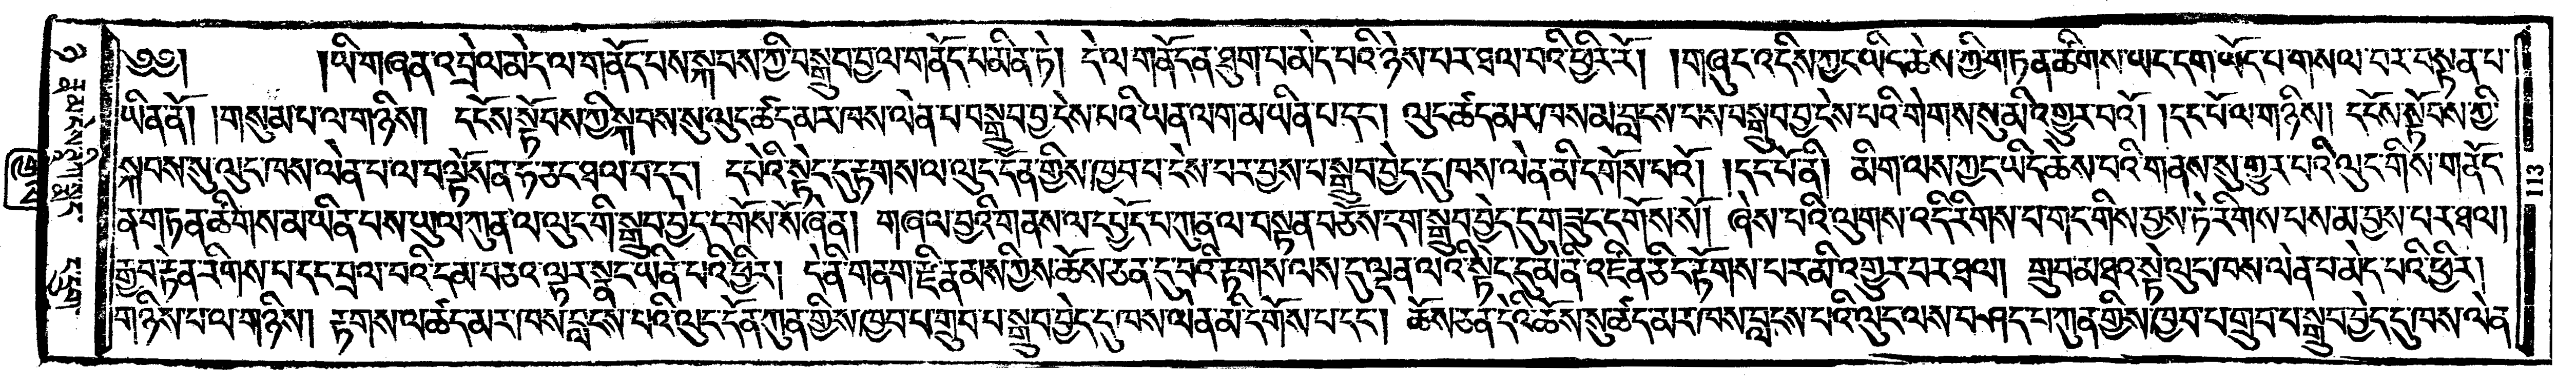༄༅། །ཡི་གཞན་འབྲེལ་མེད་ལ་གནོད་པས་སྐབས་ཀྱི་བསྒྲུབ་བྱ་ལ་གནོད་པ་མིན་ཏེ། དེ་ལ་གནོད་ན་ཐུག་པ་མེད་པའི་ཉེས་པར་ཐལ་བའི་ཕྱིར་རོ། །གཞུང་འདིས་ཀྱང་ཡིད་ཆེས་ཀྱི་གཏན་ཚིགས་ཡང་དག་ཡོད་པ་གསལ་བར་བསྟན་པ་
ཡིན་ནོ། །གསུམ་པ་ལ་གཉིས། དངོས་སྟོབས་ཀྱི་སྐབས་སུ་ལུང་ཚད་མར་ཁས་ལེན་པ་བསྒྲུབ་བྱ་ངེས་པའི་ཡན་ལག་མ་ཡིན་པ་དང་། ལུང་ཚད་མར་ཁས་མ་བླངས་པས་བསྒྲུབ་བྱ་ངེས་པའི་གེགས་སུ་མི་འགྱུར་བའོ། །དང་པོ་ལ་གཉིས། དངོས་སྟོབས་ཀྱི་
སྐབས་སུ་ལུང་ཁས་ལེན་པ་ལ་བལྟོས་ན་ཧ་ཅང་ཐལ་བ་དང་། དཔེའི་སྟེང་དུ་རྟགས་ལ་ལུང་དོན་གྱིས་ཁྱབ་པ་ངེས་པར་བྱས་པ་སྒྲུབ་བྱེད་དུ་ཁས་ལེན་མི་དགོས་པའོ། །དང་པོ་ནི། མིག་ལས་ཀྱང་ཡིད་ཆེས་པའི་གནས་སུ་གྱུར་པའི་ལུང་གིས་གནོད་
ན་གཏན་ཚིགས་མ་ཡིན་པས་ཡུལ་ཀུན་ལ་ལུང་གི་སྒྲུབ་བྱེད་དགོས་སོ་ཞེ་ན། གཞལ་བྱའི་གནས་ལ་དཔྱོད་པ་ཀུན་ལ་བསྟན་བཅོས་དག་སྒྲུབ་བྱེད་དུ་གཟུང་དགོས་སོ། ཞེས་པའི་ལུགས་འདི་རིགས་པ་གང་གིས་བྱས་ཏེ་རིགས་པས་མ་བྱས་པར་ཐལ།
རྒྱ་རྟེན་རིགས་པ་དང་བྲལ་བའི་དམ་བཅའ་ལྟར་སྣང་ཡིན་པའི་ཕྱིར། དེ་ནི་གནག་རྫི་རྣམས་ཀྱིས་ཆོས་ཅན་དུ་བའི་རྟགས་ལས་དུ་ལྡན་ལའི་སྟེང་དུ་མེ་ནི་འཛིན་ཅིང་རྟོགས་པར་མི་འགྱུར་བར་ཐལ། གྲུབ་མཐའ་སྟེ་ལུང་ཁས་ལེན་པ་མེད་པའི་ཕྱིར།
གཉིས་པ་ལ་གཉིས། རྟགས་ལ་ཚད་མར་ཁས་བླངས་པའི་ལུང་དོན་ཀུན་གྱིས་ཁྱབ་པ་གྲུབ་པ་སྒྲུབ་བྱེད་དུ་ཁས་ལེན་མི་དགོས་པ་དང་། ཆོས་ཅན་དེའི་ཆོས་སུ་ཚད་མར་ཁས་བླངས་པའི་ལུང་ལས་བཤད་པ་ཀུན་གྱིས་ཁྱབ་པ་གྲུབ་པ་སྒྲུབ་བྱེད་དུ་ཁས་ལེན་